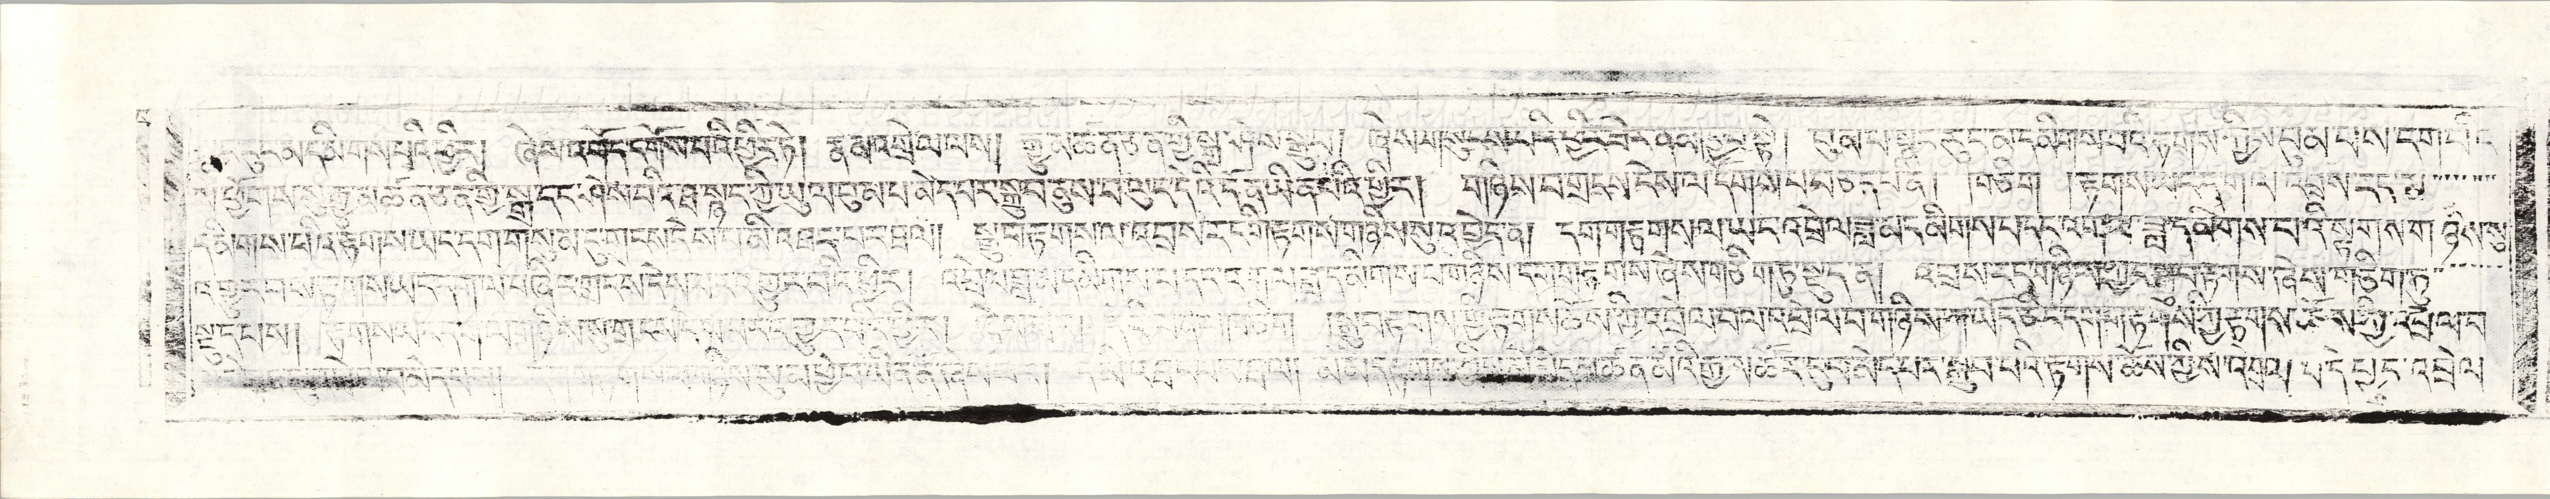སྣང་རུང་མ་དམིགས་པའི་ཕྱིར། ཞེས་འགོད་དགོས་པའི་ཕྱིར་ཏེ། རྣམ་འགྲེལ་ལས། རྒྱུ་མཚན་ཅན་གྱི་སྒྲ་ཤེས་སྒྲུབ། ཞེས་གསུངས་པའི་ཕྱིར་ཟེར་ན་མ་ཁྱབ་སྟེ། བུམ་པ་སྣང་རུང་མ་དམིགས་པའི་རྟགས་ཀྱིས་བུམ་པས་དག་པའི་
ས་ཕྱོགས་སུ་རྒྱུ་མཚན་ཅན་གྱི་སྒྲ་དང་ཤེས་པའི་ཐ་སྙད་ཀྱི་ཡུལ་བུམ་པ་མེད་པར་སྒྲུབ་ནུས་པ་ལུང་དེའི་དོན་ཡིན་པའི་ཕྱིར། གཉིས་པ་གྲངས་ངེས་ལ་དོགས་པ་བཅད་པ་ནི། ཁ་ཅིག །རྟགས་ཡང་དག་ལ་འབྲས་རང་མ་
དམིགས་པའི་རྟགས་ཡང་དག་གསུམ་དུ་གྲངས་ངེས་པ་མི་འཐད་པར་ཐལ། སྒྲུབ་རྟགས་ལ་འབྲས་རང་གི་རྟགས་གཉིས་སུ་འབྱེད་ན། དགག་རྟགས་ལ་ཡང་འབྲེལ་ཟླ་མ་དམིགས་པ་དང་འགལ་ཟླ་དམིགས་པའི་རྟགས་གཉིས་སུ་
འགྱུར་བས་རྟགས་ཡང་དག་ལ་བཞིར་གྲངས་ངེས་པར་འགྱུར་བའི་ཕྱིར། འབྲེལ་ཟླ་མ་དམིགས་པ་དང་འགལ་ཟླ་དམིགས་པ་གཉིས་དགག་རྟགས་ཞེས་གཅིག་ཏུ་སྡུད་ན། འབྲས་རང་གཉིས་ཀྱང་སྒྲུབ་རྟགས་ཞེས་གཅིག་ཏུ་
སྡུད་པས། རྟགས་ཡང་དག་ལ་གཉིས་སུ་གྲངས་ངེས་པར་འགྱུར་བའི་ཕྱིར། ཞེས་ཟེར། དེའི་ལན་ལ་ཁ་ཅིག །སྒྲུབ་རྟགས་ཀྱི་རྟགས་ཆོས་ཀྱི་འབྲེལ་བ་ལ་འབྲེལ་བ་གཉིས་ཀ་ཡོད་ཅིང་དགག་རྟགས་ཀྱི་རྟགས་ཆོས་ཀྱི་འབྲེལ་བ་
ལ་དེ་བྱུང་དུ་འབྲེལ་བ་མེད་པས། དགག་རྟགས་ལ་གཉིས་སུ་མ་ཕྱེ་བ་ཡིན་ནོ་ཞེས་ཟེར། དེ་མི་འཐད་པར་ཐལ། མེ་མེད་རྟགས་ཀྱིས་མེ་མེད་མཚན་མོའི་རྒྱ་མཚོར་དུ་བ་མེད་པར་སྒྲུབ་པའི་རྟགས་ཆོས་ཀྱི་འབྲེལ་བ་དེ་བྱུང་འབྲེལ་